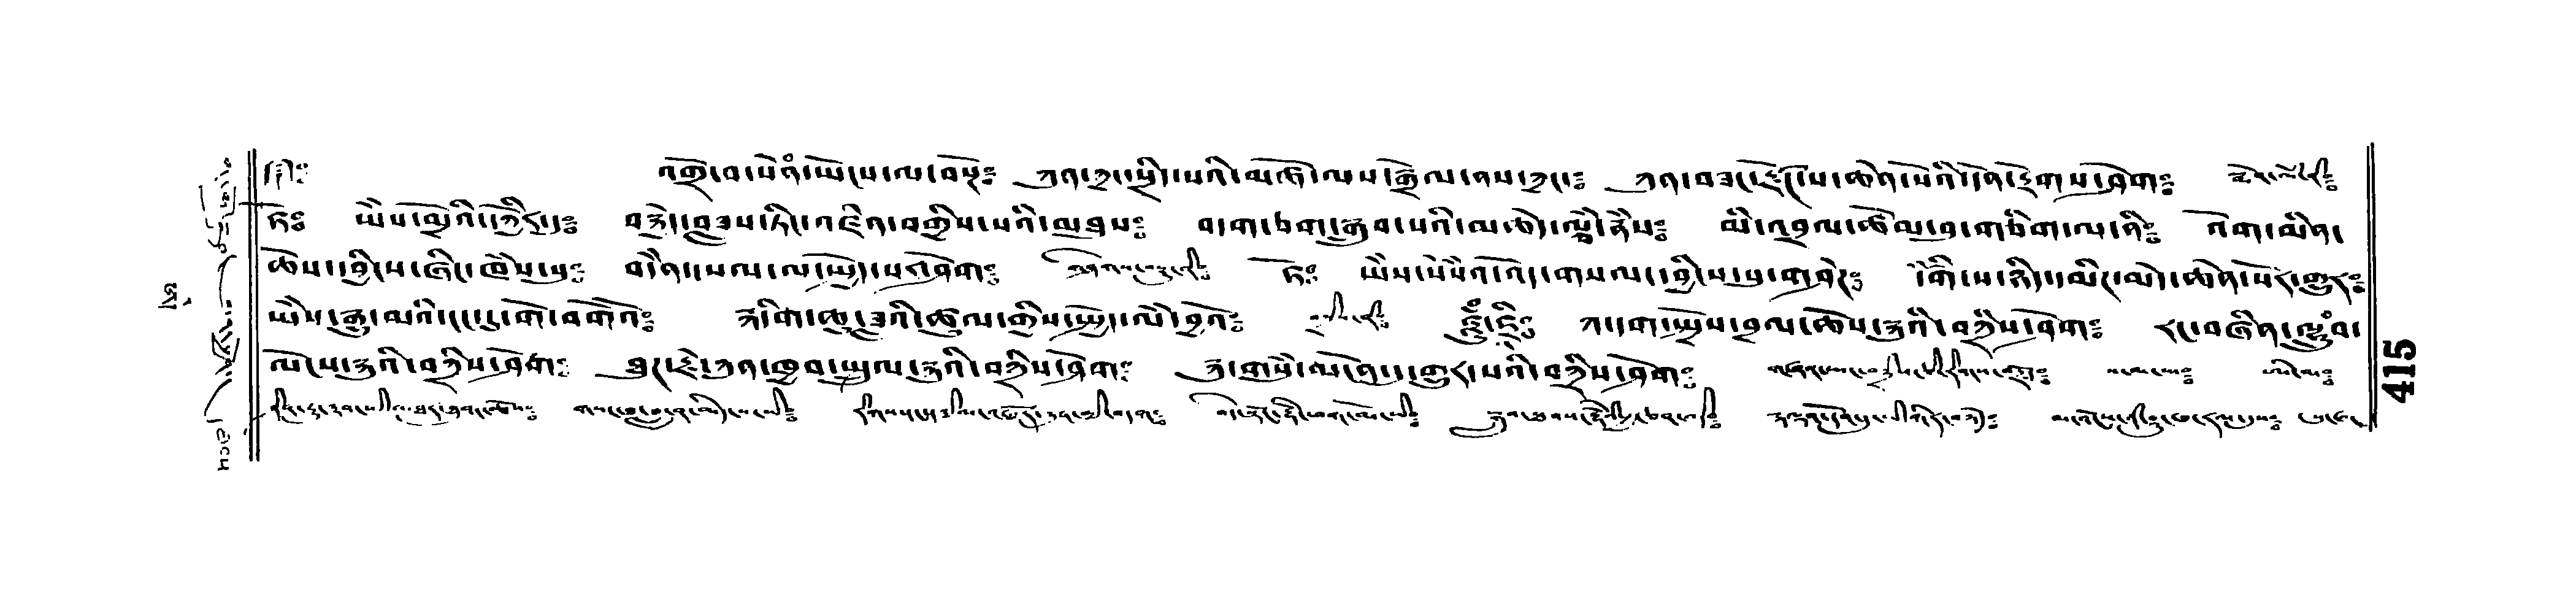འགྲོ་བ་སེམས་ཅན་ཡོངས་ལ་བསྔོ༔ ཀུན་ཀྱང་སྲིད་པའི་མཚོ་ལས་སྒྲོལ་ནས་ཀྱང༔ ཀུན་བཟང་རྫོགས་པ་ཆེན་པོའི་དོན་རྟོགས་ཤོག༔ སྨོན་ལམ་ནི༔ 
ཧོཿ ཡེ་ཤེས་མཁའ་འགྲོའི་དཀྱིལ་འཁོར་དུ༔ བསྐྱེད་བཟླས་ཏིང་འཛིན་བགྱིས་པའི་མཐུས༔ བདག་ཅག་སྒྲུབ་པའི་མཆེད་ལྕམ་རྣམས༔ མི་འབྲལ་ཚོམ་བུ་གཅིག་ལ་ནི༔ འོག་མིན་
ཆོས་དབྱིངས་ཞིང་ཁམས་སུ༔ བདེ་ཆེན་དཔལ་ལ་སྤྱོད་པར་ཤོག༔ གཤེགས་བསྡུ་ནི༔ ཧོཿ ཡེ་ཤེས་སེམས་དཔའ་འོད་གསལ་དབྱིངས་སུ་གཤེགས༔ དམ་ཚིག་པ་ཉིད་དམིགས་མེད་ཆེན་པོར་གྱུར༔ 
ཡེ་ཤེས་སྒྱུ་མའི་ངང་དུ་གོ་བགོའོ༔ སྐད་ཅིག་ཆུ་ཟླའི་ཚུལ་གྱིས་སྤྱོད་ལམ་བྱའོ༔ བཀྲ་ཤིས་ནི༔ ཧཱུྃ་ཧྲཱིཿ ཀ་དག་སྤྲོས་བྲལ་ཆོས་སྐུའི་བཀྲ་ཤིས་ཤོག༔ རང་བཞིན་ལྷུན་གྲུབ་
ལོངས་སྐུའི་བཀྲ་ཤིས་ཤོག༔ ཐུགས་རྗེ་ཀུན་ཁྱབ་སྤྲུལ་སྐུའི་བཀྲ་ཤིས་ཤོག༔ སྐུ་གསུམ་མངོན་དུ་གྱུར་པའི་བཀྲ་ཤིས་ཤོག༔ གཞན་ཡང་བཀྲཤིས་ཅི་རིགས་བརྗོད༔ ས་མ་ཡ༔ ཨེ་མ༔ 
ཤིན་ཏུ་ཟབ་པའི་མཐར་ཐུག་ཆོས༔ གསང་བ་བླ་ན་མེད་པ་ཡི༔ རིགས་དང་དཀྱིལ་འཁོར་ཀུན་གྱི་བདག༔ བདེ་སྟོང་རྡོ་རྗེ་ཕག་མོ་ཡི༔ སྒྲུབ་ཐབས་རྡོ་རྗེའི་རྒྱ་ཅན་འདི༔ སྐལ་ལྡན་དོན་དུ་ཡི་གེར་བཀོད༔ མ་འོངས་ཉི་ཤུ་ཁ་རལ་དུས༔ སུ་ཁ་